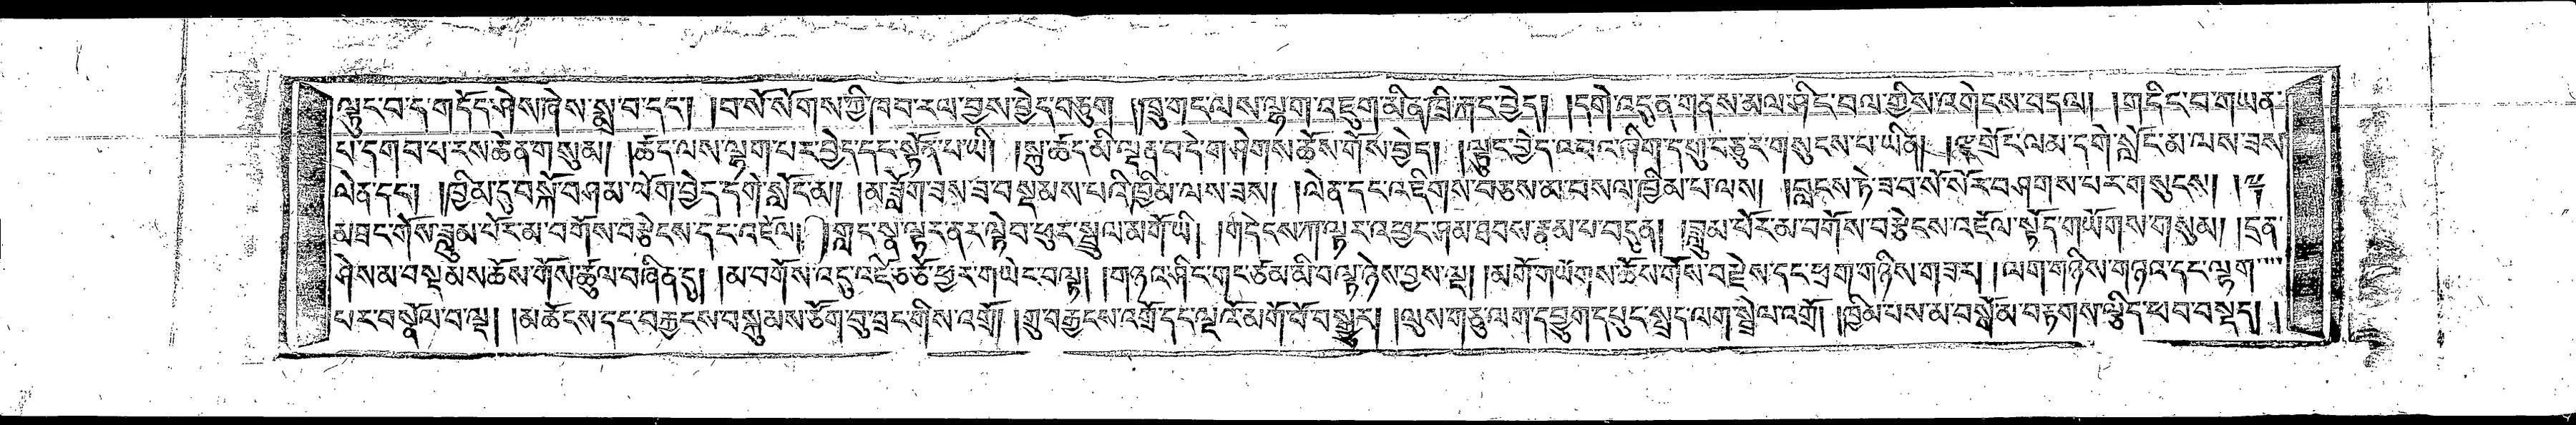ལྟུང་བ་ད་གདོང་ཤེས་ཞེས་སྨྲ་བ་དང་། །བ་སོ་སོགས་ཀྱི་ཁབ་རལ་བྱས་བྱེད་བཅུག །ཁྲུ་གང་ལས་ལྷག་འཇུག་མིན་ཁྲི་རྐང་བྱེད། །དགེ་འདུན་གནས་མལ་ཤིང་བལ་གྱིས་འགེངས་བདལ། །གདིང་བ་གཡན་
པ་དགབ་པ་རས་ཆེན་གསུམ། །ཚད་ལས་ལྷག་པར་བྱེད་དང་སྟོན་པ་ཡི། །སྐུ་ཚད་མི་ལྡན་བདེ་གཤེགས་ཆོས་གོས་བྱེད། །ལྟུང་བྱེད་འབའ་ཞིག་དགུ་བཅུར་གསུངས་པ་ཡིན། །༈ གྲོང་ལམ་དགེ་སློང་མ་ལས་ཟས་
ལེན་དང་། །ཁྱིམ་དུ་བསྐོ་བཤམ་ལོག་བྱེད་དགེ་སློང་མ། །མ་ཟློག་ཟས་ཟ་བསྔམས་པའི་ཁྱིམ་ལས་ཟས། །ལེན་དང་འཇིགས་བཅས་མ་བསལ་ཁྱིམ་པ་ལས། །བླངས་ཏེ་ཟ་བ་སོ་སོར་བཤགས་པར་གསུངས། །༈
མཐང་གོས་ཟླུམ་པོར་མ་བགོས་བརྩེངས་དང་འཇོལ། །གླང་སྣ་ལྟར་ནར་ལྟེབ་ཕུར་སྦྲུལ་མགོ་ཡི། །གདེངས་ཀ་ལྟར་འཕྱང་ཤམ་ཐབས་རྣམ་པ་བདུན། །ཟླུམ་པོར་མ་བགོས་བརྩེངས་འཇོལ་སྟོད་གཡོགས་གསུམ། །དྲན་
ཤེས་མ་བསྔམས་ཆོས་གོས་ཚུལ་བཞིན་དུ། །མ་བགོས་འདུ་འཛི་ཅ་ཅོ་ཕྱར་གཡེང་བལྟ། །གཉའ་ཤིང་གང་ཙམ་མི་བལྟ་ཉེས་བྱས་ལྔ། །མགོ་གཡོགས་ཆོས་གོས་བརྫེས་དང་ཕྲག་གཉིས་གཟར། །ལག་གཉིས་གཉའ་དང་ལྟག་
པར་བསྣོལ་བ་ལྔ། །མཆོངས་དང་བརྐྱངས་བསྐུམས་ཙོག་བུ་བྲང་གིས་འགྲོ། །གྲུ་བརྒྱངས་འགྲོ་དང་ལྔའོ་མགོ་བོ་བསྒྱུར། །ལུས་གཅུ་ལག་དབྱུག་དཔུང་སྤྲད་ལག་སྦྲེལ་འགྲོ། །ཁྱིམ་པས་མ་བསྒོ་མ་བརྟགས་ལྕིད་ཕབ་བསྡད། །